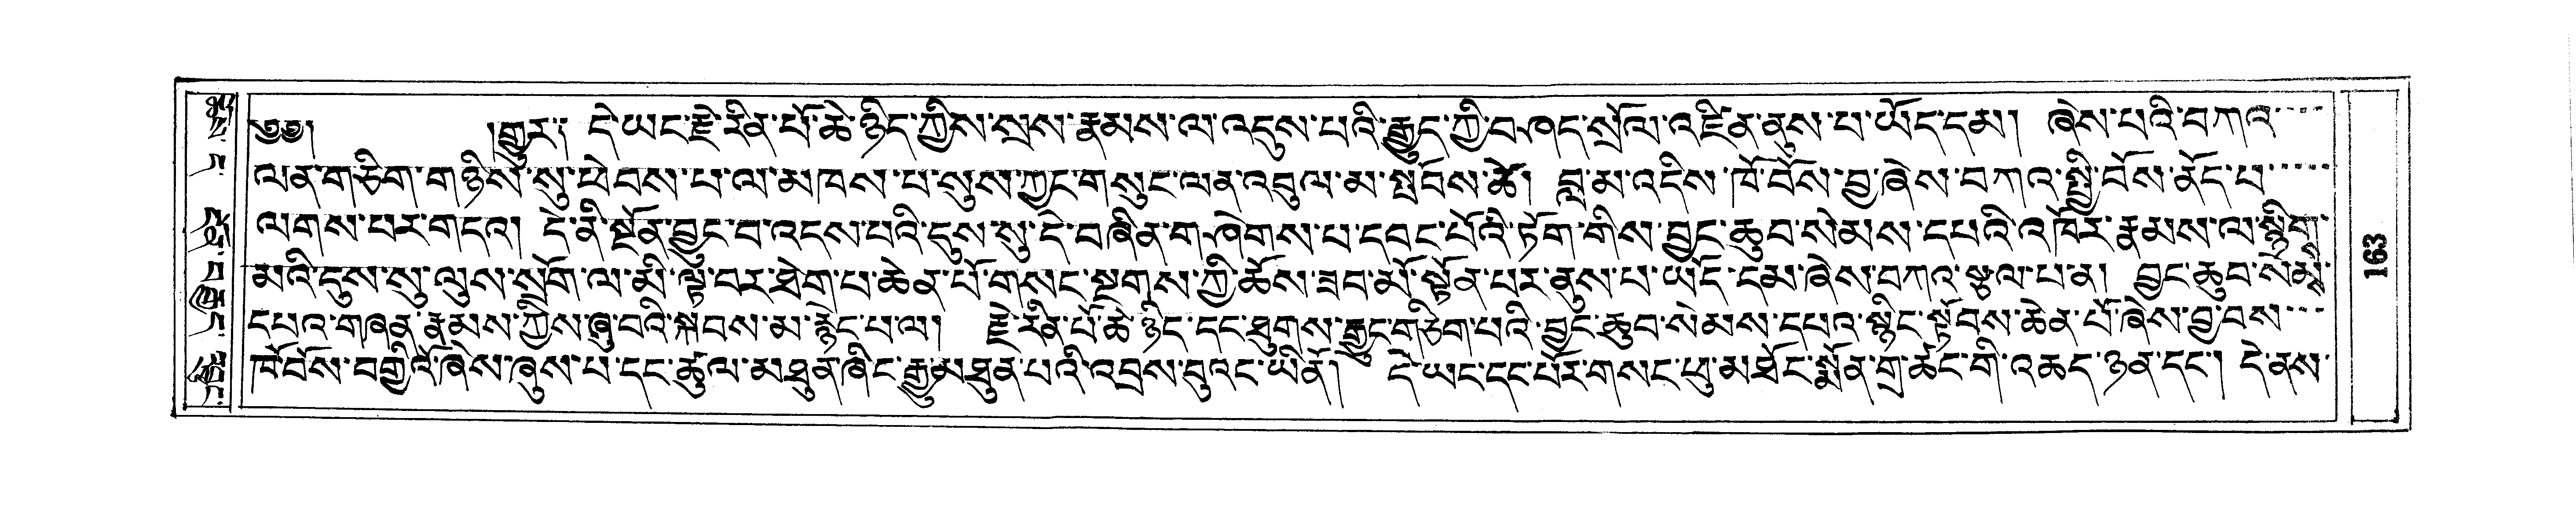༄༅། །གྱུར༑ དེ་ཡང་རྗེ་རིན་པོ་ཆེ་ཉིད་ཀྱིས་སྲས་རྣམས་ལ་འདུས་པའི་རྒྱུད་ཀྱི་བཤད་སྲོལ་འཛིན་ནུས་པ་ཡོད་དམ། ཞེས་པའི་བཀའ་
ལན་གཅིག་གཉིས་སུ་ཕེབས་པ་ལ་མཁས་པ་སུས་ཀྱང་གསུངས་ལན་འབུལ་མ་སྤོབས་ཚེ། བླ་མ་འདིས་ཁོ་བོས་བྱ་ཞེས་བཀའ་སྤྱི་བོས་ནོད་པ་
ལགས་པར་གདའ། དེ་ནི་སྔོན་བྱུང་བ་འདས་པའི་དུས་སུ་དེ་བཞིན་གཤེགས་པ་དབང་པོའི་ཏོག་གིས་བྱང་ཆུབ་སེམས་དཔའི་འཁོར་རྣམས་ལ་སྙིགས་
མའི་དུས་སུ་ལུས་སྲོག་ལ་མི་ལྟ་བར་ཐེག་པ་ཆེན་པོ་གསང་སྔགས་ཀྱི་ཆོས་ཟབ་མོ་སྟོན་པར་ནུས་པ་ཡོད་དམ་ཞེས་བཀའ་སྩལ་པ་ན། བྱང་ཆུབ་སེམས་
དཔའ་གཞན་རྣམས་ཀྱིས་ཞུ་བའི་སྐབས་མ་རྙེང་པ་ལ། རྗེ་རིན་པོ་ཆེ་ཉིད་དང་ཐུགས་རྒྱུང་གཅིག་པའི་བྱང་ཆུབ་སེམས་དཔའ་སྙིང་སྟོབས་ཆེན་པོ་ཞེས་བྱ་བས་
ཁོ་བོས་བགྱིའོ་ཞེས་ཞུས་པ་དང་ཚུལ་མཐུན་ཞིང་རྒྱུད་མཐུན་པའི་འབྲུས་བུ་འང་ཡི་ནོ། དེ་ཡང་དང་པོར་གསང་ཕུ་མཐོང་སྨོན་གྲ་ཚང་གི་འཆད་ཉན་དང་། དེ་ནས་